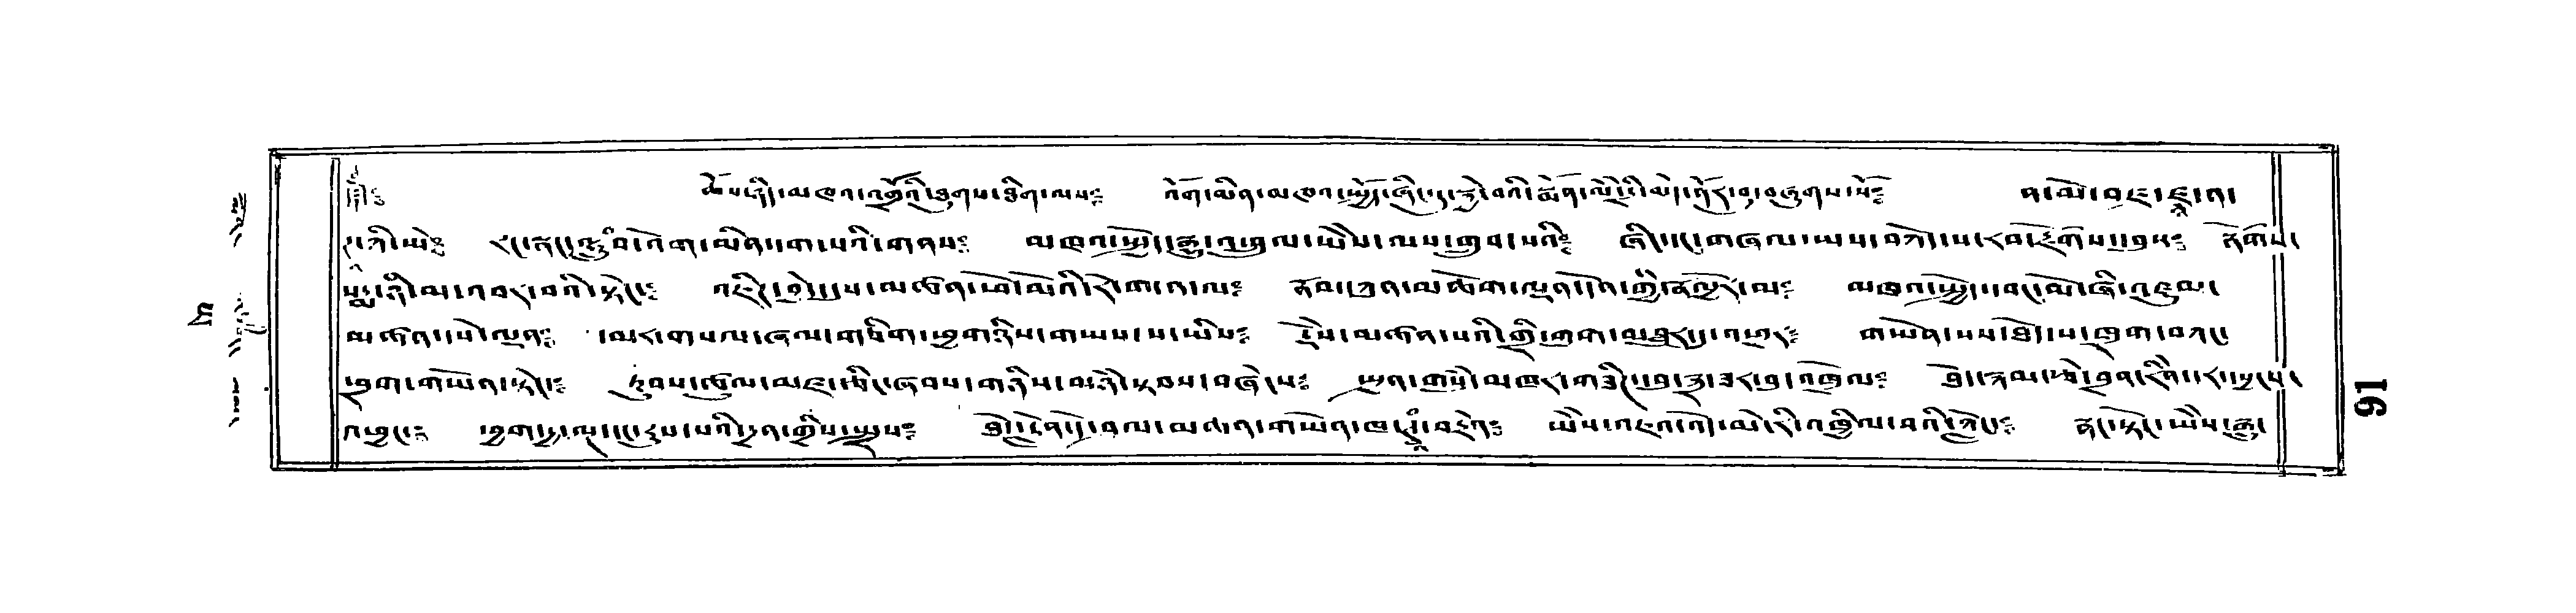ཆོས་ཉིད་མཁའ་འགྲོའི་ཐུགས་ཐིག་ལས༔ འོག་མིན་མཁའ་སྤྱོད་ཞིང་དུ་སྐྱེ་བའི་སྨོན་ལམ་དྲི་མེད་ནོར་བུ་བཞུགས་སོ༔ ན་མོ་བཛྲ་ཛྙཱ་ན་
ཌཱ་ཀི་ཡེ༔ རང་སྣང་ལྷུན་གྲུབ་འོག་མིན་དག་པའི་གནས༔ མཁའ་སྤྱོད་སྒྱུ་འཕྲུལ་ཡེ་ཤེས་ལས་གྲུབ་པའི༔ ཞིང་དང་གཞལ་ཡས་བཀོད་པ་རབ་རྫོགས་
དབུས༔ སྣ་ཚོགས་པདྨ་ཉི་མ་འབར་བའི་སྟེང༔ འཇིགས་བྱེད་དུས་མཚན་ཕོ་མོའི་རོ་གདན་ལ༔ རྣམ་ཀུན་མཆོག་ལྡན་དོན་གྱིས་རྣལ་འབྱོར་མ༔ མཁའ་སྤྱོད་དབང་མོ་ཞི་འཛུམ་
མཚན་དཔེ་ལྡན༔ དམར་གསལ་ཞལ་གཅིག་ཕྱག་གཉིས་གཡས་པ་ཡིས༔ རྡོ་རྗེས་མཚན་པའི་གྲི་གུག་མཐུར་དུ་འཕྱར༔ གཡོན་པས་ཐོད་པ་ཁྲག་བཀང་
ཕྲག་གཡོན་སྟེང༔ རྡུབས་ཚུལ་མཛད་ཅིང་ཞབས་གཉིས་མཉམ་སྟབས་བཞེངས༔ སྤྱན་གསུམ་མཁར་གཟིགས་དབུ་སྐྲ་ཟར་བུ་གྲོལ༔ ཐོད་སྐམ་རྩེ་བྲན་རིན་ཆེན་དར་དཔྱངས་
འཕྱང༔ ཕྱག་རྒྱ་ལྔ་དང་རུས་པའི་རྒྱན་གྱིས་སྤྲས༔ ཐོད་རློན་དོ་ཤལ་མཆན་གཡོན་ཁ་ཊྭཱཾ་བརྟེན༔ ཡེ་ཤེས་འཇའ་འོད་མེ་རི་འཁྱིལ་བའི་ཀློང༔ སྣང་སྟོང་ཡེ་ཤེས་སྒྱུ་